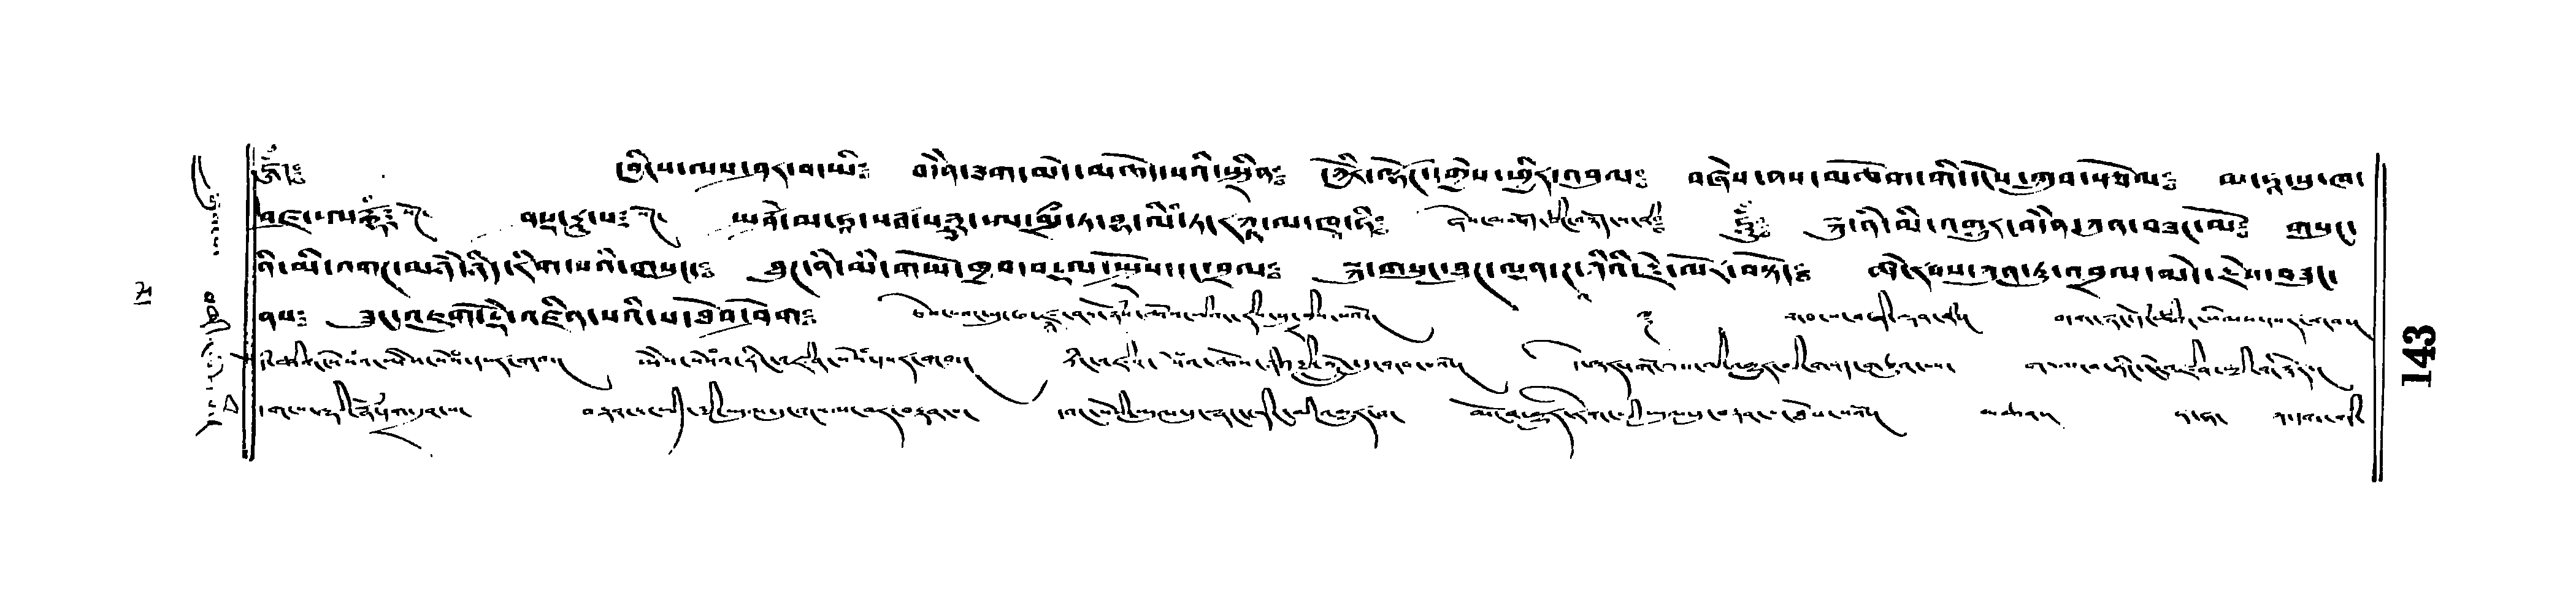དབྱིངས་ལས་ཤར་བ་ཡི༔ བདེ་ཆེན་ཟག་མེད་མཆོད་པའི་སྤྲིན༔ དཀྱིལ་འཁོར་ལྷ་ཚོགས་དགྱེས་ཕྱིར་འབུལ༔ བཞེས་ནས་མཆོག་གི་དངོས་གྲུབ་སྩོལ༔ མ་ཧཱ་སུ་ཁ་
བཛྲ་ཨརྒྷཾ་སོགས༔ ཤཔྡ་རཱུ་པ་སོགས༔ སྤརྴེ་མ་ཧཱ་སརྦ་པཉྩ་ཨ་མྲྀ་ཏ་བྷ་ལིཾ་ཏ་རཀྟ་ལ་ཁཱ་ཧིཿ ཞེས་མཆོད་ཅིང་བསྟོད་པ་ནི༔ ཧཱུྃ༔ སྐུ་ནི་མི་འགྱུར་བདེ་ཆེན་ཀུན་བཟང་མོ༔ གསུང་
ནི་མི་འགགས་མཉམ་ཉིད་རིག་པའི་གསུང༔ ཐུགས་ནི་མི་གཡོ་ཁྱབ་བརྡལ་སྤྲོས་དང་བྲལ༔ སྐུ་གསུང་ཐུགས་ལྡན་ཌཱ་ཀིའི་རྗེ་མོར་བསྟོད༔ ཚེ་རབས་ཀུན་ཏུ་འབྲལ་མེད་རྗེས་བཟུང་
ནས༔ ཟུང་འཇུག་རྡོ་རྗེ་འཛིན་པའི་ས་ཐོབ་ཤོག༔ཅེས་པའང་སུ་ཁ་ཛྙཱ་ནས་ཉམས་ཆོས་ཡིག་རིས་སུ་བྲིས་པའོ། ༈ གབ་པ་བཞི་ལྡན་ནི། བདག་སྣང་དམ་ཚིག་སེམས་དཔར་གབ། །
དམ་ཚིག་སེམས་དཔའ་ཡེ་ཤེས་སེམས་དཔར་གབ། །ཡེ་ཤེས་སེམས་དཔའ་ཏིང་འཛིན་སེམས་དཔར་གབ། །ཏིང་འཛིན་སེམས་དཔའ་ཆོས་ཉིད་ཀྱི་ཀློང་དུ་གབ་པའོ། །དེ་ལྟར་གོངས་པ་མི་འགྱུར་བའི་གནད་གཅུན་ལ། །གསལ་བ་ཏིང་ངེ་འཛིན་གྱི་གཟེར། 
དག་པ་ལྷའི་རྣམ་དག་དྲན་པ། བརྟན་པ་ཡིད་ཀྱི་ཡུལ་དུ་གསལ་བར་བརྟན་པ། དབང་པོའི་ཡུལ་དུ་སྣང་ཞིང་མི་འགྱུར་བ། མངོན་གྱུར་རིག་པའི་ཡུལ་དུ་བརྟན་པ་ཐོབ་པའོ། མཆན། ཧ་ཧ། ཀ་དག་གི་